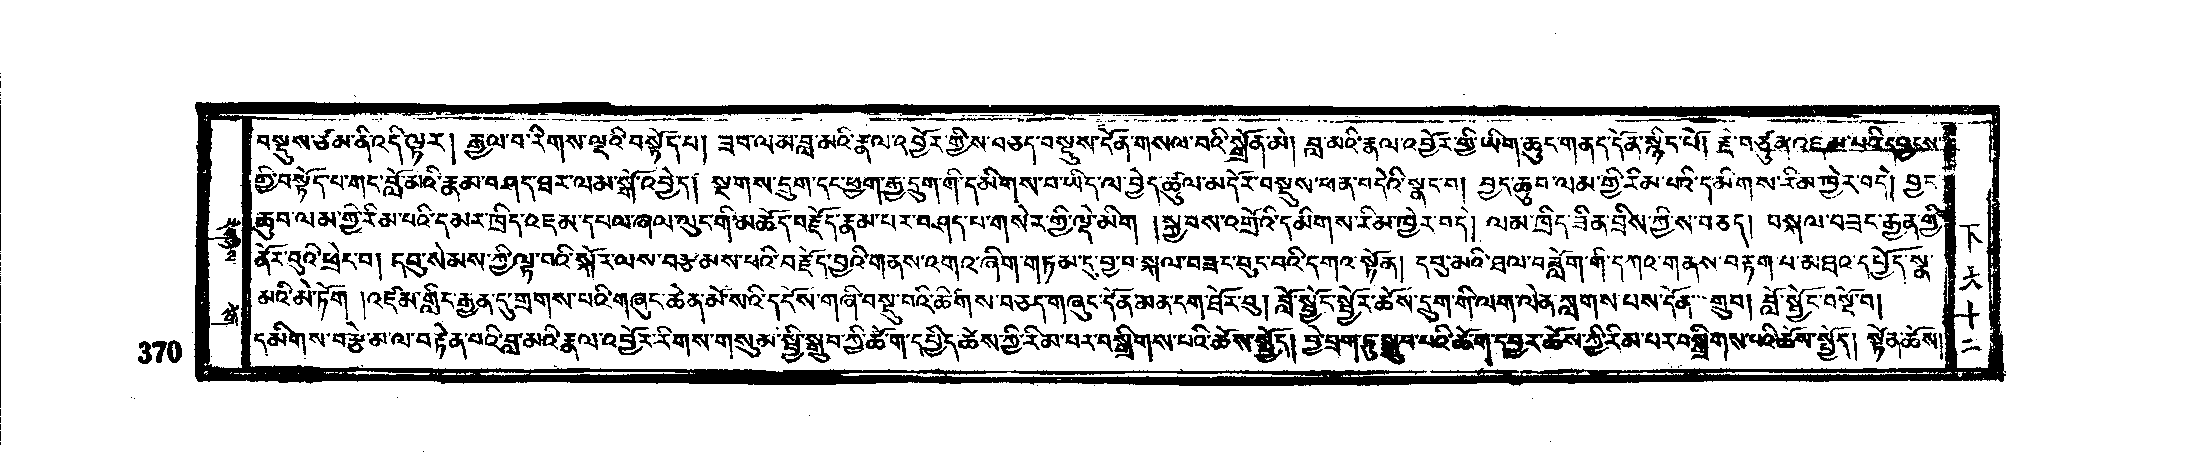བསྡུས་ཙམ་ནི་འདི་ལྟར། རྒྱལ་བ་རིགས་ལྔའི་བསྟོད་པ། ཟབ་ལམ་བླ་མའི་རྣལ་འབྱོར་གྱིས་བཅད་བསྡུས་དོན་གསལ་བའི་སྒྲོན་མེ། བླ་མའི་རྣལ་འབྱོར་གྱི་ཡིག་ཆུང་གནད་དོན་སྙིང་པོ། རྗེ་བཙུན་འཇམ་པའི་དབྱངས་
གྱི་བསྟོད་པ་གང་བློ་མའི་རྣམ་བཤད་ཐར་ལམ་སྒོ་འབྱེད། སྔགས་དྲུག་དང་ཕྱག་རྒྱ་དྲུག་གི་དམིགས་པ་ཡིད་ལ་བྱེད་ཚུལ་མདོར་བསྡུས་ཕན་བདེའི་སྣང་བ། བྱང་ཆུབ་ལམ་གྱི་རིམ་པའི་དམིགས་རིམ་ཁྱེར་བདེ། བྱང་
ཆུབ་ལམ་གྱི་རིམ་པའི་དམར་ཁྲིད་འཇམ་དཔལ་ཞལ་ལུང་གི་མཆོད་བརྗོད་རྣམ་པར་བཤད་པ་གསེར་གྱི་ལྡེ་མིག །སྐྱབས་འགྲོའི་དམིགས་རིམ་ཁྱེར་བདེ། ལམ་ཁྲིད་ཟིན་བྲིས་ཀྱི་ས་བཅད། བསྐལ་བཟང་རྒྱན་གྱི་
ནོར་བུའི་ཕྲེང་བ། དབུ་སེམས་ཀྱི་ལྟ་བའི་སྐོར་ལས་བརྩམས་པའི་བརྗོད་བྱའི་གནས་འགའ་ཞིག་གཏམ་དུ་བྱ་བ་སྐལ་བཟང་བུང་བའི་དགའ་སྟོན། དབུ་མའི་ཐལ་བཟློག་གི་དཀའ་གནས་བརྟག་པ་མཐའ་དཔྱོད་སྣ་
མའི་མེ་ཏོག །འཛམ་གླིང་རྒྱན་དུ་གྲགས་པའི་གཞུང་ཆེན་མོ་སའི་དངོས་གཞི་བསྡུ་བའི་ཚིགས་བཅད་གཞུང་དོན་མན་ངག་ཐོར་བུ། བློ་སྦྱོང་སྦྱོར་ཆོས་དྲུག་གི་ལག་ལེན་ཀླགས་པས་དོན་གྲུབ། བློ་སྦྱོང་བསྔོ་བ།
དམིགས་བརྩེ་མ་ལ་བརྟེན་པའི་བླ་མའི་རྣལ་འབྱོར་རིགས་གསུམ་སྤྱི་སྒྲུབ་ཀྱི་ཆོ་ག་དཔྱིད་ཚེས་ཀྱི་རིམ་པར་བསྒྲིགས་པའི་ཆོས་སྤྱོད། བྱེ་བྲག་ཏུ་སྒྲུབ་པའི་ཆོ་ག་དབྱར་ཆོས་ཀྱི་རིམ་པར་བསྒྲིགས་པའི་ཆོས་སྤྱོད། སྟོན་ཆོས།